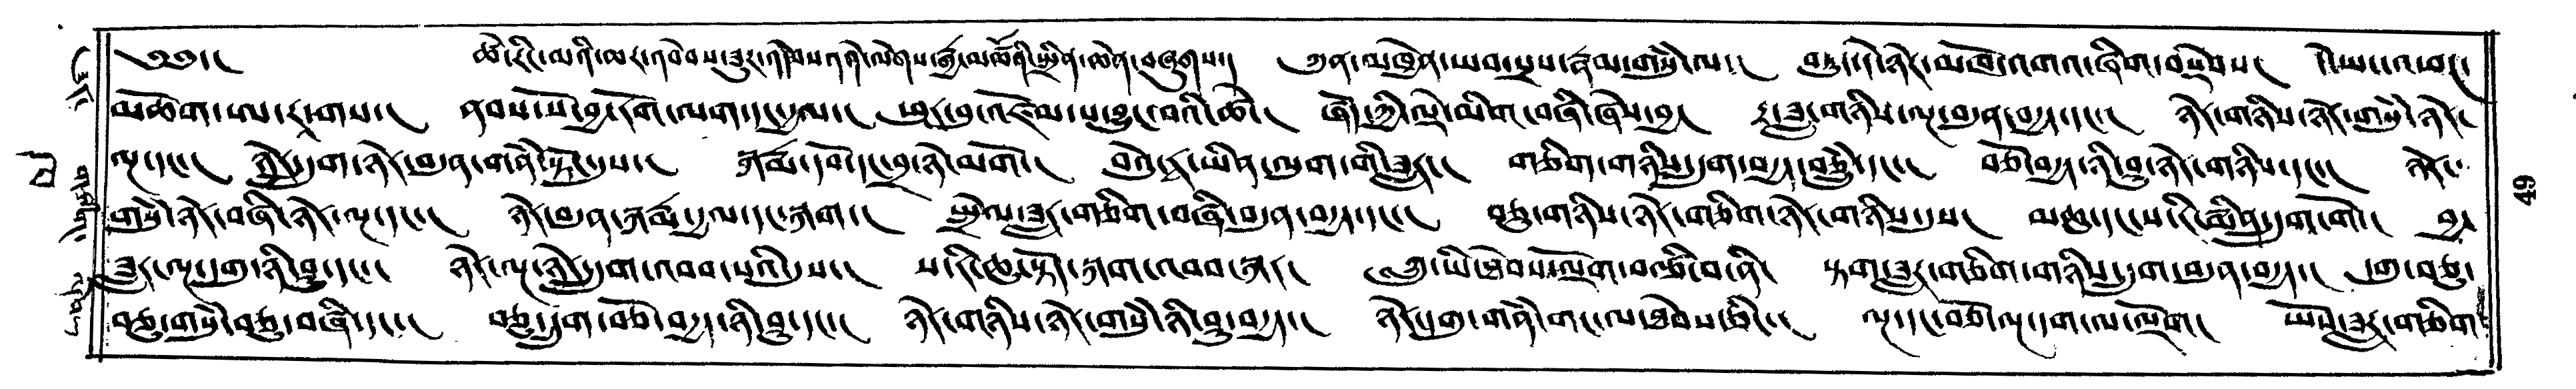ཚེ་རིང་མའི་ཆར་འབེབས་ཟུར་འདེབས་དགེ་ལེགས་རྒྱ་མཚོན་ནི་སྤྲིན་ཆེན་བཞུགས། ཀུན་མཁྱེན་ཡབ་སྲས་རྣམས་གསུམ་ལ། བཏུད་དེ་ཉེར་མཁོ་འགའ་ཞིག་བསྡེབས། དེ་ཡང་འཕགས་
མཆོག་ཨ་རཱ་གས། ནབས་སོ་བྱ་རོལ་ལག་དང་རྒྱལ། ཕུར་བུ་འཛོམ་པ་བྱུང་བའི་ཚེ། ཞེད་ཀྱི་སྡེ་མིག་བཞི་ཞེས་བྱ། རྟརྡ་ཟླ་གཉིས་ལྔ་བདུན་བརྒྱད་དང་།ཉེར་གཉིས་ཉེར་གསུམ་ཉེར་
ལྔ་དང་། ཉེར་དྲུག་ཉེར་བདུན་གནམ་སྟོང་དུས། ཀརྨ་དེབ་དང་བྲ་ཉེ་མགོ། བེའུ་རྭ་ཡིན་ལུག་གི་ཟླར། གཅིག་གཉིས་དྲུག་བརྒྱད་བཅུ་དྲུག་དང་། བཅོ་བརྒྱད་ཉི་ཤུ་ཉེར་གཉིས་དང་། ཉེར་
གསུམ་ཉེར་བཞི་ཉེར་ལྔ་དང་། ཉེར་བདུན་ཀརྨ་རྒྱལ་དང་སྐག སྤྲེལ་ཟླར་གཅིག་བཞི་བདུན་བརྒྱད་དང་། བཅུ་གཉིས་ཉེར་གཅིག་ཉེར་གཉིས་དུས། མཆུ་དང་ས་རི་སྨིན་དྲུག་གོ། བྱ་
ཟླར་ལྔ་དགུ་ཉི་ཤུ་དང་། ཉེར་ལྔ་ཉེར་དྲུག་འབབ་པའི་དུས། ས་རི་ཆུ་སྟོད་སྐག་འབབ་སྐར། ཀླུ་ཡི་ཐེབས་ལྡོག་བརྩི་བ་ནི། སྟག་ཟླར་གཅིག་གཉིས་དྲུག་བདུན་བརྒྱད། དགུ་བཅུ་
བཅུ་གསུམ་བཅུ་བཞི་དང་། བཅུ་དྲག་བཅོ་བརྒྱད་ཉིད་ཤུད་དང་། ཉེར་གཉིས་ཉེར་གསུམ་ཉི་ཤུ་བརྒྱད། ཉེར་དགུ་གནམ་གང་ལ་ཐེབས་ཅིང་། ལྔ་དང་བཅོ་ལྔ་དག་ལ་ལྡོག ཡོས་ཟླར་གཅིག་